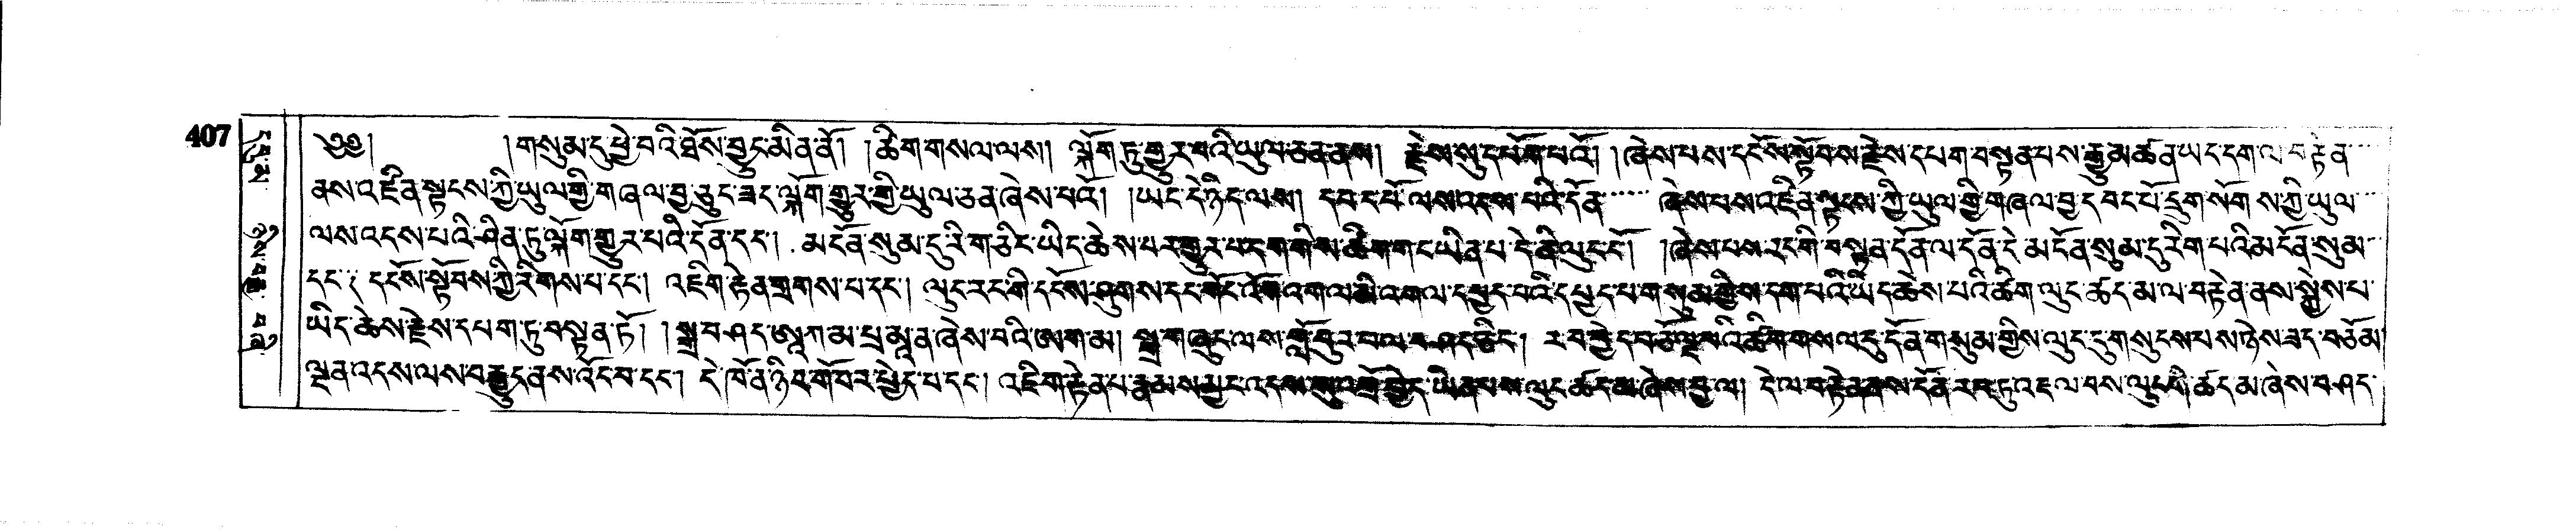༄༅། །གསུམ་དུ་ཕྱེ་བའི་ཐོས་བྱུང་མིན་ནོ། །ཚིག་གསལ་ལས། ལྐོག་ཏུ་གྱུར་བའི་ཡུལ་ཅན་ནས། རྗེས་སུ་དཔོག་པའོ། །ཞེས་པས་དངོས་སྟོབས་རྗེས་དཔག་བསྟན་པས་རྒྱུ་མཚན་ཡང་དག་ལ་བརྟེན་
ནས་འཛིན་སྟངས་ཀྱི་ཡུལ་གྱི་གཞལ་བྱ་ཅུང་ཟད་ལྐོག་གྱུར་གྱི་ཡུལ་ཅན་ཞེས་པའོ། །ཡང་དེ་ཉིད་ལས། དབང་པོ་ལས་འདས་པའི་དོན་ཞེས་པས་འཛིན་སྟངས་ཀྱི་ཡུལ་གྱི་གཞལ་བྱ་དབང་པོ་དྲུག་སོགས་ཀྱི་ཡུལ་
ལས་འདས་པའི་ཤིན་ཏུ་ལྐོག་གྱུར་པའི་དོན་དང་། མངོན་སུམ་དུ་རིག་ཅིང་ཡིད་ཆེས་པར་གྱུར་པ་དག་གིས་ཚིག་གང་ཡིན་པ་དེ་ནི་ལུང་ངོ། །ཞེས་པས་རང་གི་བསྟན་དོན་ལ་དོན་དེ་མངོན་སུམ་དུ་རིག་པའི་མངོན་སུམ་
དང༑ དངོས་སྟོབས་ཀྱི་རིགས་པ་དང་། འཇིག་རྟེན་གྲགས་པ་དང་། ལུང་རང་གི་དངོས་ཤུགས་དང་གོང་འོག་འགལ་མི་འགལ་དཔྱད་པའི་དཔྱད་པ་གསུམ་གྱིས་དག་པའི་ཡིད་ཆེས་པའི་ཚིག་ལུང་ཚད་མ་ལ་བརྟེན་ནས་སྐྱེས་པ་
ཡིད་ཆེས་རྗེས་དཔག་ཏུ་བསྟན་ཏོ། །སྒྲ་བཤད་ཨཱཀ་མ་པྲ་མཱ་ན་ཞེས་པའི་ཨག་མ། སྒྲ་གཞུང་ལས་གློ་བུར་བལ་བཤད་ཅིང་། རབ་བྱེད་བཅོ་ལྔ་པའི་ཚིག་གསལ་དུ་དོན་གསུམ་གྱིས་ལུང་དུ་གསུངས་པས་ཉེས་ཟད་བཅོམ་
ལྡན་འདས་ལས་བརྒྱུད་ནས་འོང་བ་དང་། དེ་ཁོ་ན་ཉིང་གོ་བར་བྱེད་པ་དང་། འཇིག་རྟེན་པ་རྣམས་མྱང་འདས་སུ་འགྲོ་བྱེད་ཡིན་པས་ལུང་ཚད་མ་ཞེས་བྱ་ལ། དེ་ལ་བརྟེན་ནས་དོན་རབ་ཏུ་འཇལ་བས་ལུང་གི་ཚད་མ་ཞེས་བཤད་